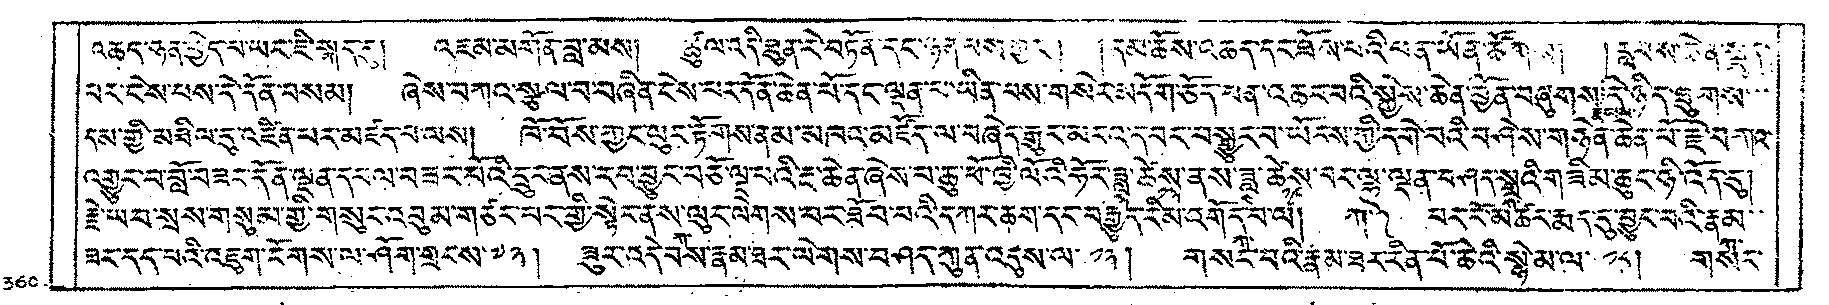འཆད་ཉན་བྱེད་པ་ཡང་ཇི་སྐད་དུ། འཇམ་མགོན་བླ་མས། ཚུལ་འདི་ཐུན་རེ་བཏོན་དང་ཉན་པས་ཀྱང་། །དམ་ཆོས་འཆད་དང་ཐོས་པའི་ཕན་ཡོན་ཚོགས། །རླབས་ཆེན་སྡུད་
པར་ངེས་པས་དེ་དོན་བསམ། ཞེས་བཀའ་སྩལ་བ་བཞིན་ངེས་པར་དོན་ཆེན་པོ་དང་ལྡན་པ་ཡིན་པས་གསེར་མདོག་ཅོད་པཎ་འཆང་བའི་སྐྱེས་ཆེན་བྱོན་བཞུགས་རྣམས་དེ་ཉིད་ཐུགས་
དམ་གྱི་མཐིལ་དུ་འཛིན་པར་མཛད་པ་ལས། ཁོ་བོས་ཀྱང་ལུང་རྟོགས་ནམ་མཁའ་མཛོད་ལ་བཞེད་རྒུར་མངའ་དབང་བསྒྱུར་བ་ཡོངས་ཀྱི་དགེ་བའི་བཤེས་གཉེན་ཆེན་པོ་རྗེ་བཀའ་
འགྱུར་བ་བློ་བཟང་དོན་ལྡན་དཔལ་བཟང་པོའི་དྲུང་ནས་རབ་བྱུང་བཅོ་ལྔ་པའི་རྔ་ཆེན་ཞེས་པ་ཆུ་ཕོ་ཁྱིལ་ལོའི་ཧོར་ཟླ་ཚེས ༡༣་ནས་ཟླ ༤་ཚེས ༡༩་བར་ལྷ་ལྡན་བཤད་སྒྲའི་གཟིམ་ཆུང་ཉི་འོད་དུ།
རྗེ་ཡབ་སྲས་གསུམ་གྱི་གསུང་འབུམ་གཙང་པར་གྱི་སྟེང་ནས་ལུང་ལེགས་པར་ཐོབ་པའི་དཀར་ཆག་དང་བརྒྱུད་རིམ་འགོད་པ་ལ། ཀ྄་པར་ངོ་མཚར་རྨད་དུ་བྱུང་བའི་རྣམ་
ཐར་དད་པའི་འཇུག་ངོགས་ལ་ཤོག་གྲངས ༧༢། ཟུར་འདེབས་རྣམ་ཐར་ལེགས་བཤད་ཀུན་འདུས་ལ ༡༢། ཀ་གསང་བའི་རྣམ་ཐར་རིན་པོ་ཆེའི་སྙེ་མ་ལ ༡༨། ཀ་གསང་